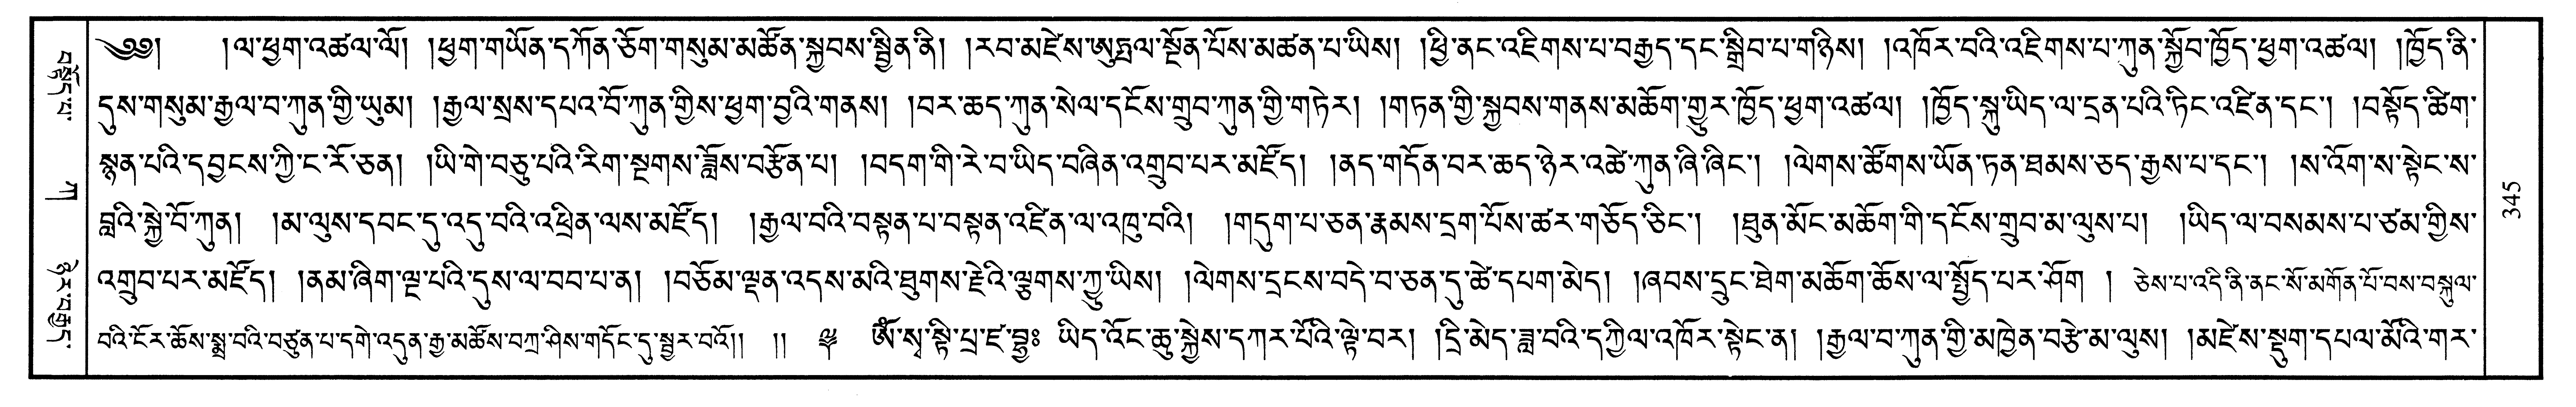༄༅། །ལ་ཕྱག་འཚལ་ལོ། །ཕྱག་གཡོན་དཀོན་ཅོག་གསུམ་མཚོན་སྐྱབས་སྦྱིན་ནི། །རབ་མཛེས་ཨུཏྤལ་སྔོན་པོས་མཚན་པ་ཡིས། །ཕྱི་ནང་འཇིགས་པ་བརྒྱད་དང་སྒྲིབ་པ་གཉིས། །འཁོར་བའི་འཇིགས་པ་ཀུན་སྐྱོབ་ཁྱོད་ཕྱག་འཚལ། །ཁྱོད་ནི་
དུས་གསུམ་རྒྱལ་བ་ཀུན་གྱི་ཡུམ། །རྒྱལ་སྲས་དཔའ་བོ་ཀུན་གྱིས་ཕྱག་བྱའི་གནས། །བར་ཆད་ཀུན་སེལ་དངོས་གྲུབ་ཀུན་གྱི་གཏེར། །གཏན་གྱི་སྐྱབས་གནས་མཆོག་གྱུར་ཁྱོད་ཕྱག་འཚལ། །ཁྱོད་སྐུ་ཡིད་ལ་དྲན་པའི་ཏིང་འཛིན་དང་། །བསྟོད་ཚིག་
སྙན་པའི་དབྱངས་ཀྱི་ང་རོ་ཅན། །ཡི་གེ་བཅུ་པའི་རིག་སྔགས་ཟློས་བརྩོན་པ། །བདག་གི་རེ་བ་ཡིད་བཞིན་འགྲུབ་པར་མཛོད། །ནད་གདོན་བར་ཆད་ཉེར་འཚེ་ཀུན་ཞི་ཞིང་། །ལེགས་ཚོགས་ཡོན་ཏན་ཐམས་ཅད་རྒྱས་པ་དང་། །ས་འོག་ས་སྟེང་ས་
བླའི་སྐྱེ་བོ་ཀུན། །མ་ལུས་དབང་དུ་འདུ་བའི་འཕྲིན་ལས་མཛོད། །རྒྱལ་བའི་བསྟན་པ་བསྟན་འཛིན་ལ་འཁུ་བའི། །གདུག་པ་ཅན་རྣམས་དྲག་པོས་ཚར་གཅོད་ཅིང་། །ཐུན་མོང་མཆོག་གི་དངོས་གྲུབ་མ་ལུས་པ། །ཡིད་ལ་བསམས་པ་ཙམ་གྱིས་
འགྲུབ་པར་མཛོད། །ནམ་ཞིག་ལྔ་པའི་དུས་ལ་བབ་པ་ན། །བཅོམ་ལྡན་འདས་མའི་ཐུགས་རྗེའི་ལྕགས་ཀྱུ་ཡིས། །ལེགས་དྲངས་བདེ་བ་ཅན་དུ་ཚེ་དཔག་མེད། །ཞབས་དྲུང་ཐེག་མཆོག་ཆོས་ལ་སྤྱོད་པར་ཤོག། ཅེས་པ་འདི་ནི་ནང་སོ་མགོན་པོ་བས་བསྐུལ་
བའི་ངོར་ཆོས་སྨྲ་བའི་བཙུན་པ་དགེ་འདུན་རྒྱ་མཚོས་བཀྲ་ཤིས་གདོང་དུ་སྦྱར་བའོ།། །། ༈ ཨོཾ་སྭ་སྟི་པྲ་ཛ་བྷྱཿ ཡིད་འོང་ཆུ་སྐྱེས་དཀར་པོའི་ལྟེ་བར། །དྲི་མེད་ཟླ་བའི་དཀྱིལ་འཁོར་སྟེང་ན། །རྒྱལ་བ་ཀུན་གྱི་མཁྱེན་བརྩེ་མ་ལུས། །མཛེས་སྡུག་དཔལ་མོའི་གར་